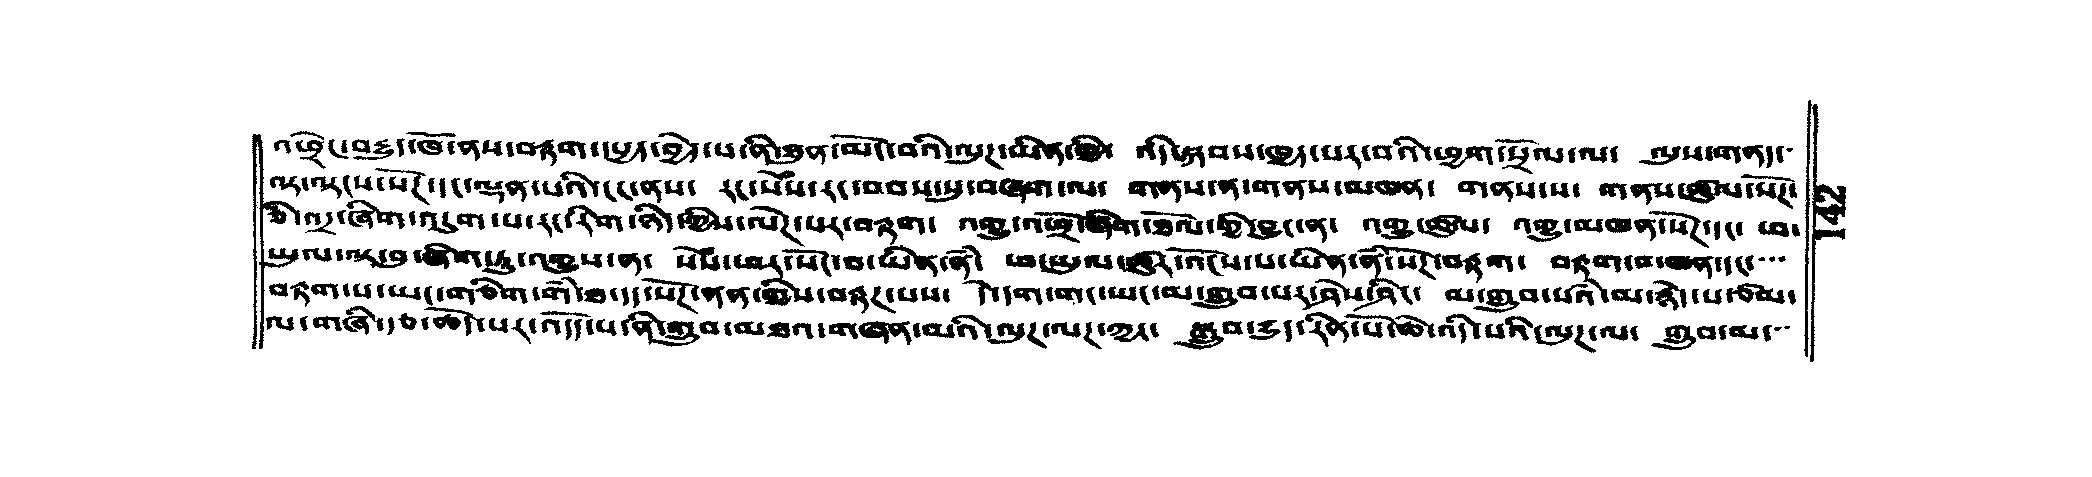འཕྲེང་བརྒྱུད་ཁོ་ནས་བརྟག་དཔྱད་བྱེད་པ་ནི་ཐུན་མོང་བའི་ལུགས་ཡིན་གྱི། འདི་སྐབས་ཁྱད་པར་བའི་ཕྱག་སྲོལ་ལ། ལུས་གནད་
ལྟ་སྟངས་སོགས་དང་ལྡན་པའི་ངང་ནས། རང་སེམས་རང་བབས་སུ་བཞག་ལ། གནས་ན་གནས་མཁན། གནས་ས། གནས་ཚུལ་སོགས་
ཅི་འདྲ་ཞིག་འདུག་པ་རང་རིག་ཉིད་ཀྱིས་ལེགས་པར་བརྟག འགྱུ་འཕྲོ་ཞིག་ཐོལ་གྱི་བྱུང་ན། འགྱུ་ཚུལ། འགྱུ་མཁན་སོགས་དང་། ཕ་
ཡུལ་ལྟ་བུ་ཞིག་ཏུ་འགྱུས་ན། སེམས་ཕར་སོང་བ་ཡིན་ནམ། ཕ་ཡུལ་ཚུར་འོངས་པ་ཡིན་ནམ་སོགས་བརྟག བརྟག་མཁན་དང་
བརྟག་ས་ཡང་གཅིག་གམ་ཐ་དད་སོགས་ནན་གྱིས་བརྟགས་པས། དེ་དག་གང་ཡང་མ་གྲུབ་པར་ཤེས་ཤིང་། མ་གྲུབ་པའམ་མ་རྙེད་པ་ཙམ་
ལ་གཞི་རྩ་ཆོད་པར་འདོད་པ་ནི་གྲུབ་མཐའ་གཞན་མའི་ལུགས་ལགས་ཀྱང་།སྒྲུབ་རྒྱུད་རིན་པོ་ཆེ་འདི་པའི་ལུགས་ལ། གྲུབ་མ་